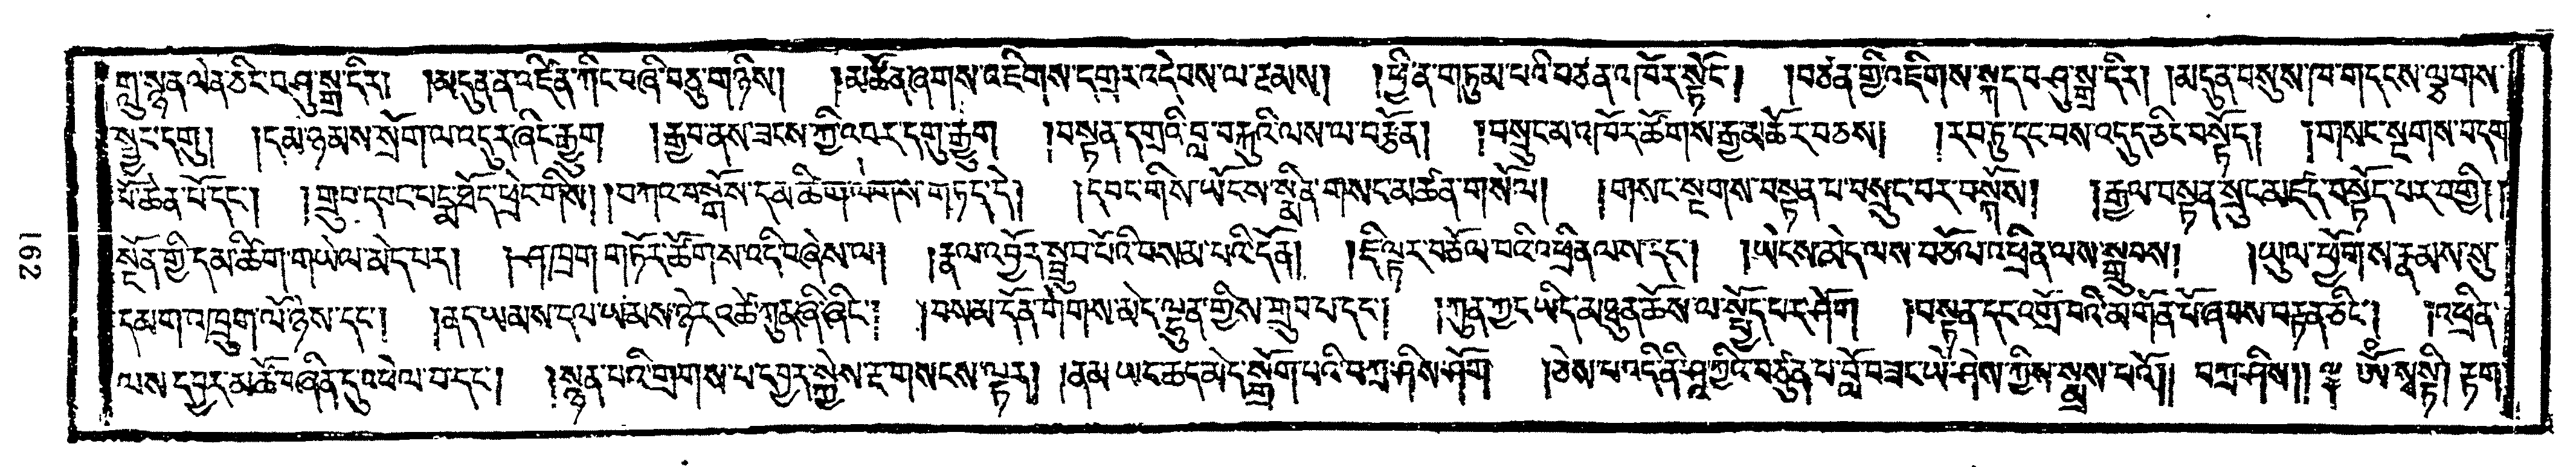གླུ་སྙན་ལེན་ཅིང་བཤུ་སྒྲ་དིར། །མདུན་ན་འཛིན་ཀིང་བཞི་བཅུ་གཉིས། །མཚོན་ཞགས་འཇིགས་དགྲར་འདེབས་ལ་རྔམས། །ཕྱི་ན་གཏུམ་པའི་བཙན་འཁོར་སྟོང་། །བཙན་གྱི་འཇིགས་སྐད་བཤུ་སྒྲ་དིར། །མདུན་བསུས་ཁ་གདངས་ལྕགས་
སྤྱང་དགུ། །དམ་ཉམས་སྲོག་ལ་འདུར་ཞིང་རྒྱུག །རྒྱབ་ནས་ཟངས་ཀྱི་འབར་དགུ་རྒྱུག །བསྟན་དགྲའི་བླ་བརྐུའི་ལས་ལ་བརྩོན། །བསྲུང་མ་འཁོར་ཚོགས་རྒྱ་མཆོར་བཅས། །རབ་ཏུ་དང་བས་འདུད་ཅིང་བསྟོད། །གསང་སྔགས་བདག་
པོ་ཆེན་པོ་དང་། །གྲུབ་དབང་པདམ་ཐོད་ཕྲེང་གིས། །བཀའ་བསྒོས་དམ་ཚིག་ལེགས་གཏད་དེ། །དབང་གིས་ཡོངས་སྨིན་གསང་མཚན་གསོལ། །གསང་སྔགས་བསྟན་པ་བསྲུང་བར་བསྐོས། །རྒྱལ་བསྟན་སྲུང་མཛད་བསྟོད་པར་བགྱི། །
སྔོན་གྱི་དམ་ཚིག་གཡེལ་མེད་པར། །ཤ་ཁྲག་གཏོར་ཚོགས་འདི་བཞེས་ལ། །རྣལ་འབྱོར་སྒྲུབ་པོའི་བསམ་པའི་དོན། །ཇི་ལྟར་བཅོལ་བའི་འཕྲིན་ལས་དང་། །ཡེངས་མེད་ལས་བཅོལ་འཕྲིན་ལས་སྒྲུབས། །ཡུལ་ཕྱོགས་རྣམས་སུ་
དམག་འཁྲུག་ལོ་ཉེས་དང་། །ནད་ཡམས་དལ་ཡམས་ཉེར་འཚེ་ཀུན་ཞི་ཞིང་། །བསམ་དོན་གེགས་མེད་ལྷུན་གྱིས་གྲུབ་པ་དང་། །ཀུན་ཀྱང་ཡིད་མཐུན་ཆོས་ལ་སྤྱོད་པར་ཤོག །བསྟན་དང་འགྲོ་བའི་མགོན་པོ་ཞབས་བརྟན་ཅིང་། །འཕྲིན་
ལས་དབྱར་མཚོ་བཞིན་དུ་འཕེལ་བ་དང་། །སྙན་པའི་གྲགས་པ་དབྱར་སྐྱེས་རྔ་གསངས་ལྟར། །ནམ་ཡང་ཆད་མེད་སྒྲོག་པའི་བཀྲ་ཤིས་ཤོག །ཅེས་པ་འདི་ནི་ཤཱཀྱའི་བཙུན་པ་བློ་བཟང་ཡེ་ཤེས་ཀྱིས་སྨྲས་པའོ།། བཀྲ་ཤིས།། ༈ ཨོཾ་སྭསྟི། རྟག་